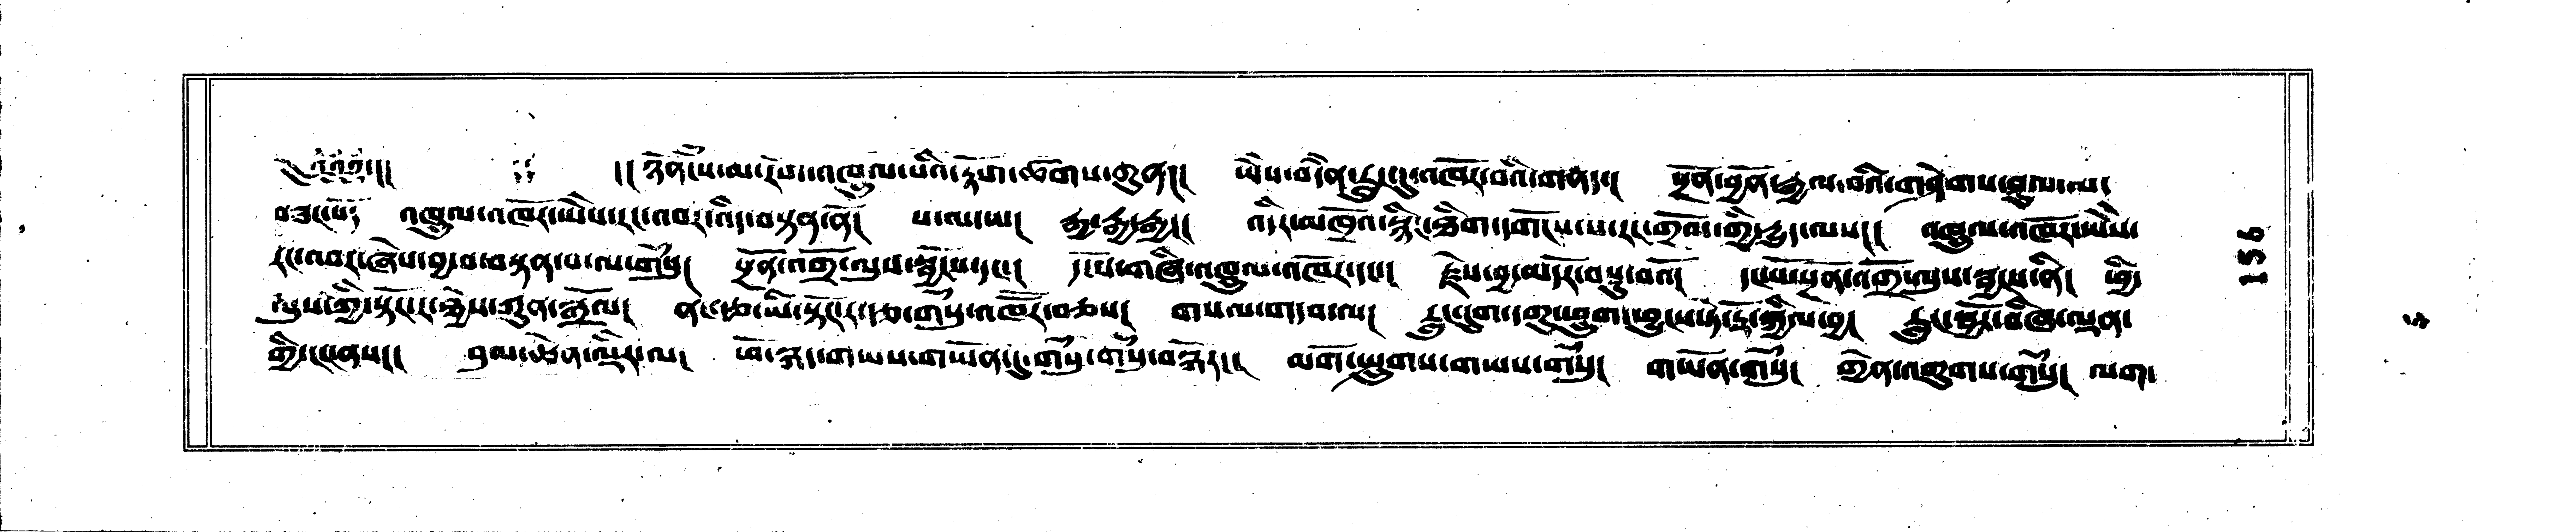༄༅།། །།ཉོན་མོངས་མ་རིག་འཁྲུལ་པའི་རྟོག་ཚོགས་ཀུན། །ཡེ་ཤེས་བདེ་ཆེན་རླུང་དུ་འཁོར་བའི་གནད། །སྔོན་བྱོན་རྒྱལ་བའི་གཤེགས་ཤུལ་ལམ་
བཟང་པོ། །འཁྲུལ་འཁོར་ཡེ་ཤེས་རང་འབར་འདི་བསྟན་ནོ། །ས་མ་ཡ། རྒྱ་རྒྱ་རྒྱ། །འདིར་མཁའ་འགྲོ་སྙིང་ཐིག་དགོངས་པ་རང་གྲོལ་གྱི་རྒྱུད་ལས། འཁྲུལ་འཁོར་ཡེ་ཤེས་
རང་འབར་ཞེས་བྱ་བ་བསྟན་པ་ལ་གསུམ། སྔོན་འགྲོ་ལུས་སྦྱོང་དང་། དངོས་གཞི་འཁྲུལ་འཁོར་དང་། རྗེས་བྱ་མདོར་བསྡུ་བའོ། །དང་པོ་སྔོན་འགྲོ་ལུས་སྦྱོང་ནི། ཕྱི་
ལུས་ཀྱི་སྟོང་ར་ཐུགས་རྗེ་ཀུན་སྒྲོལ། ནང་རྩ་ཡི་སྟོང་ར་རྩ་གསུམ་འཁོར་ལོ་བཅས་གསལ་གདབ་ལ། རླུང་དུག་དགུ་ཕྲུག་ཕྱུང་སྟེ་རྡོ་རྐྱིལ་བྱ། རླུང་སྦྱོར་བཞི་ལྡན་
གྱི་ངང་ནས། བུམ་ཆེན་ལྡིར་ལ། ཕོ་སྐེད་གཡས་གཡོན་དུ་གསུམ་གསུམ་བསྐོར། མགོ་སྤྲུག་གཡས་གསུམ། གཡོན་གསུམ། གྱེན་འགུགས་གསུམ། ལག་